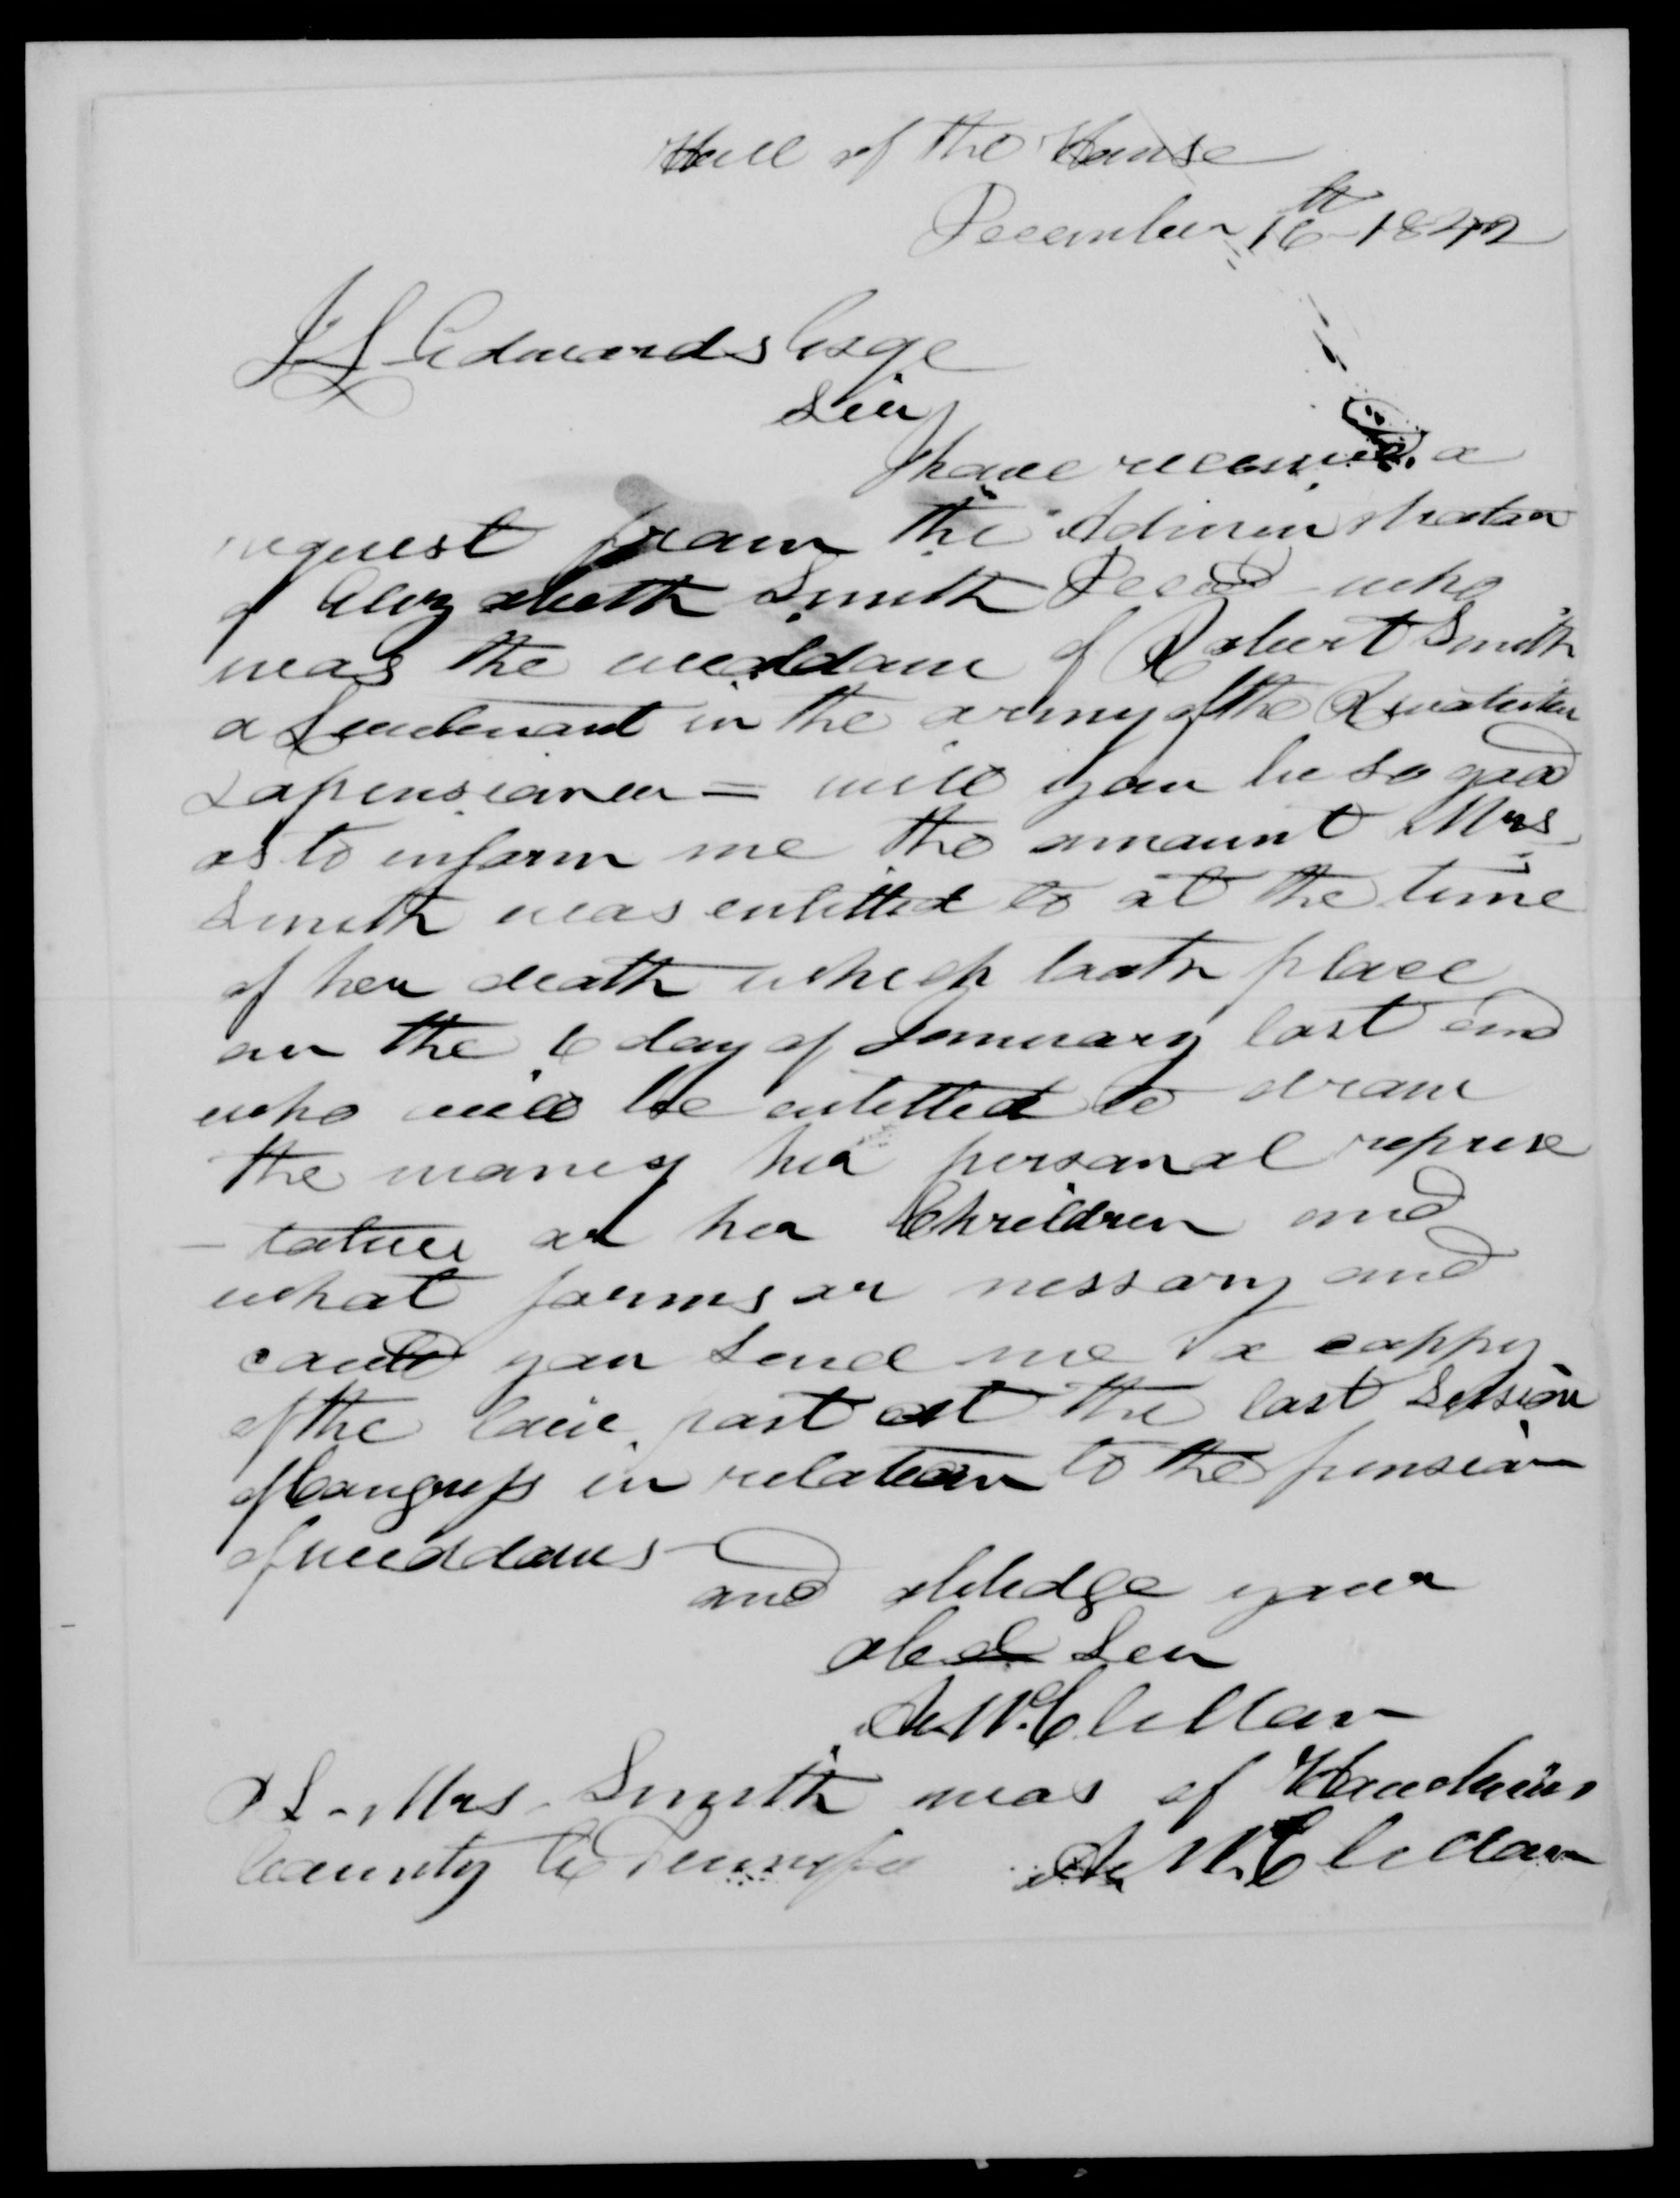Hall of the House
December 16th 1842

J L Edwards Esq

Sir
I have received a
request from the Administrator 
of Elizabeth Smith Decd - who
was the widow of Robert Smith
a Lieutenant  in the army of the Revolution
& a pensioner = will you be so good
as to inform me the amount Mrs.
Smith was entitled at the time
of her death which[illegible] place 
on the 6 day of January last and 
who will be entitled to draw
the money  her personal 
representative as her Children and 
what forms are necessary and
could you send me a coppy
of the  [illegible] at the last Session
of Congress  in relation to the pension
of  [illegible] and   [illegible]   your
obet Sev
A Mc Clellan
Afor Mrs. Smith was of Hawkins
County [illegible] Tennessee
A Mc Clellan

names: A Mc Clellan; Elizabeth Smith; J L Edwards; [BLANK] Smith; [BLANK] Smith; A Mc Clellan; Robert Smith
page: 57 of 79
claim: widow's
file: W. 1504, for Robert Smith, North Carolina